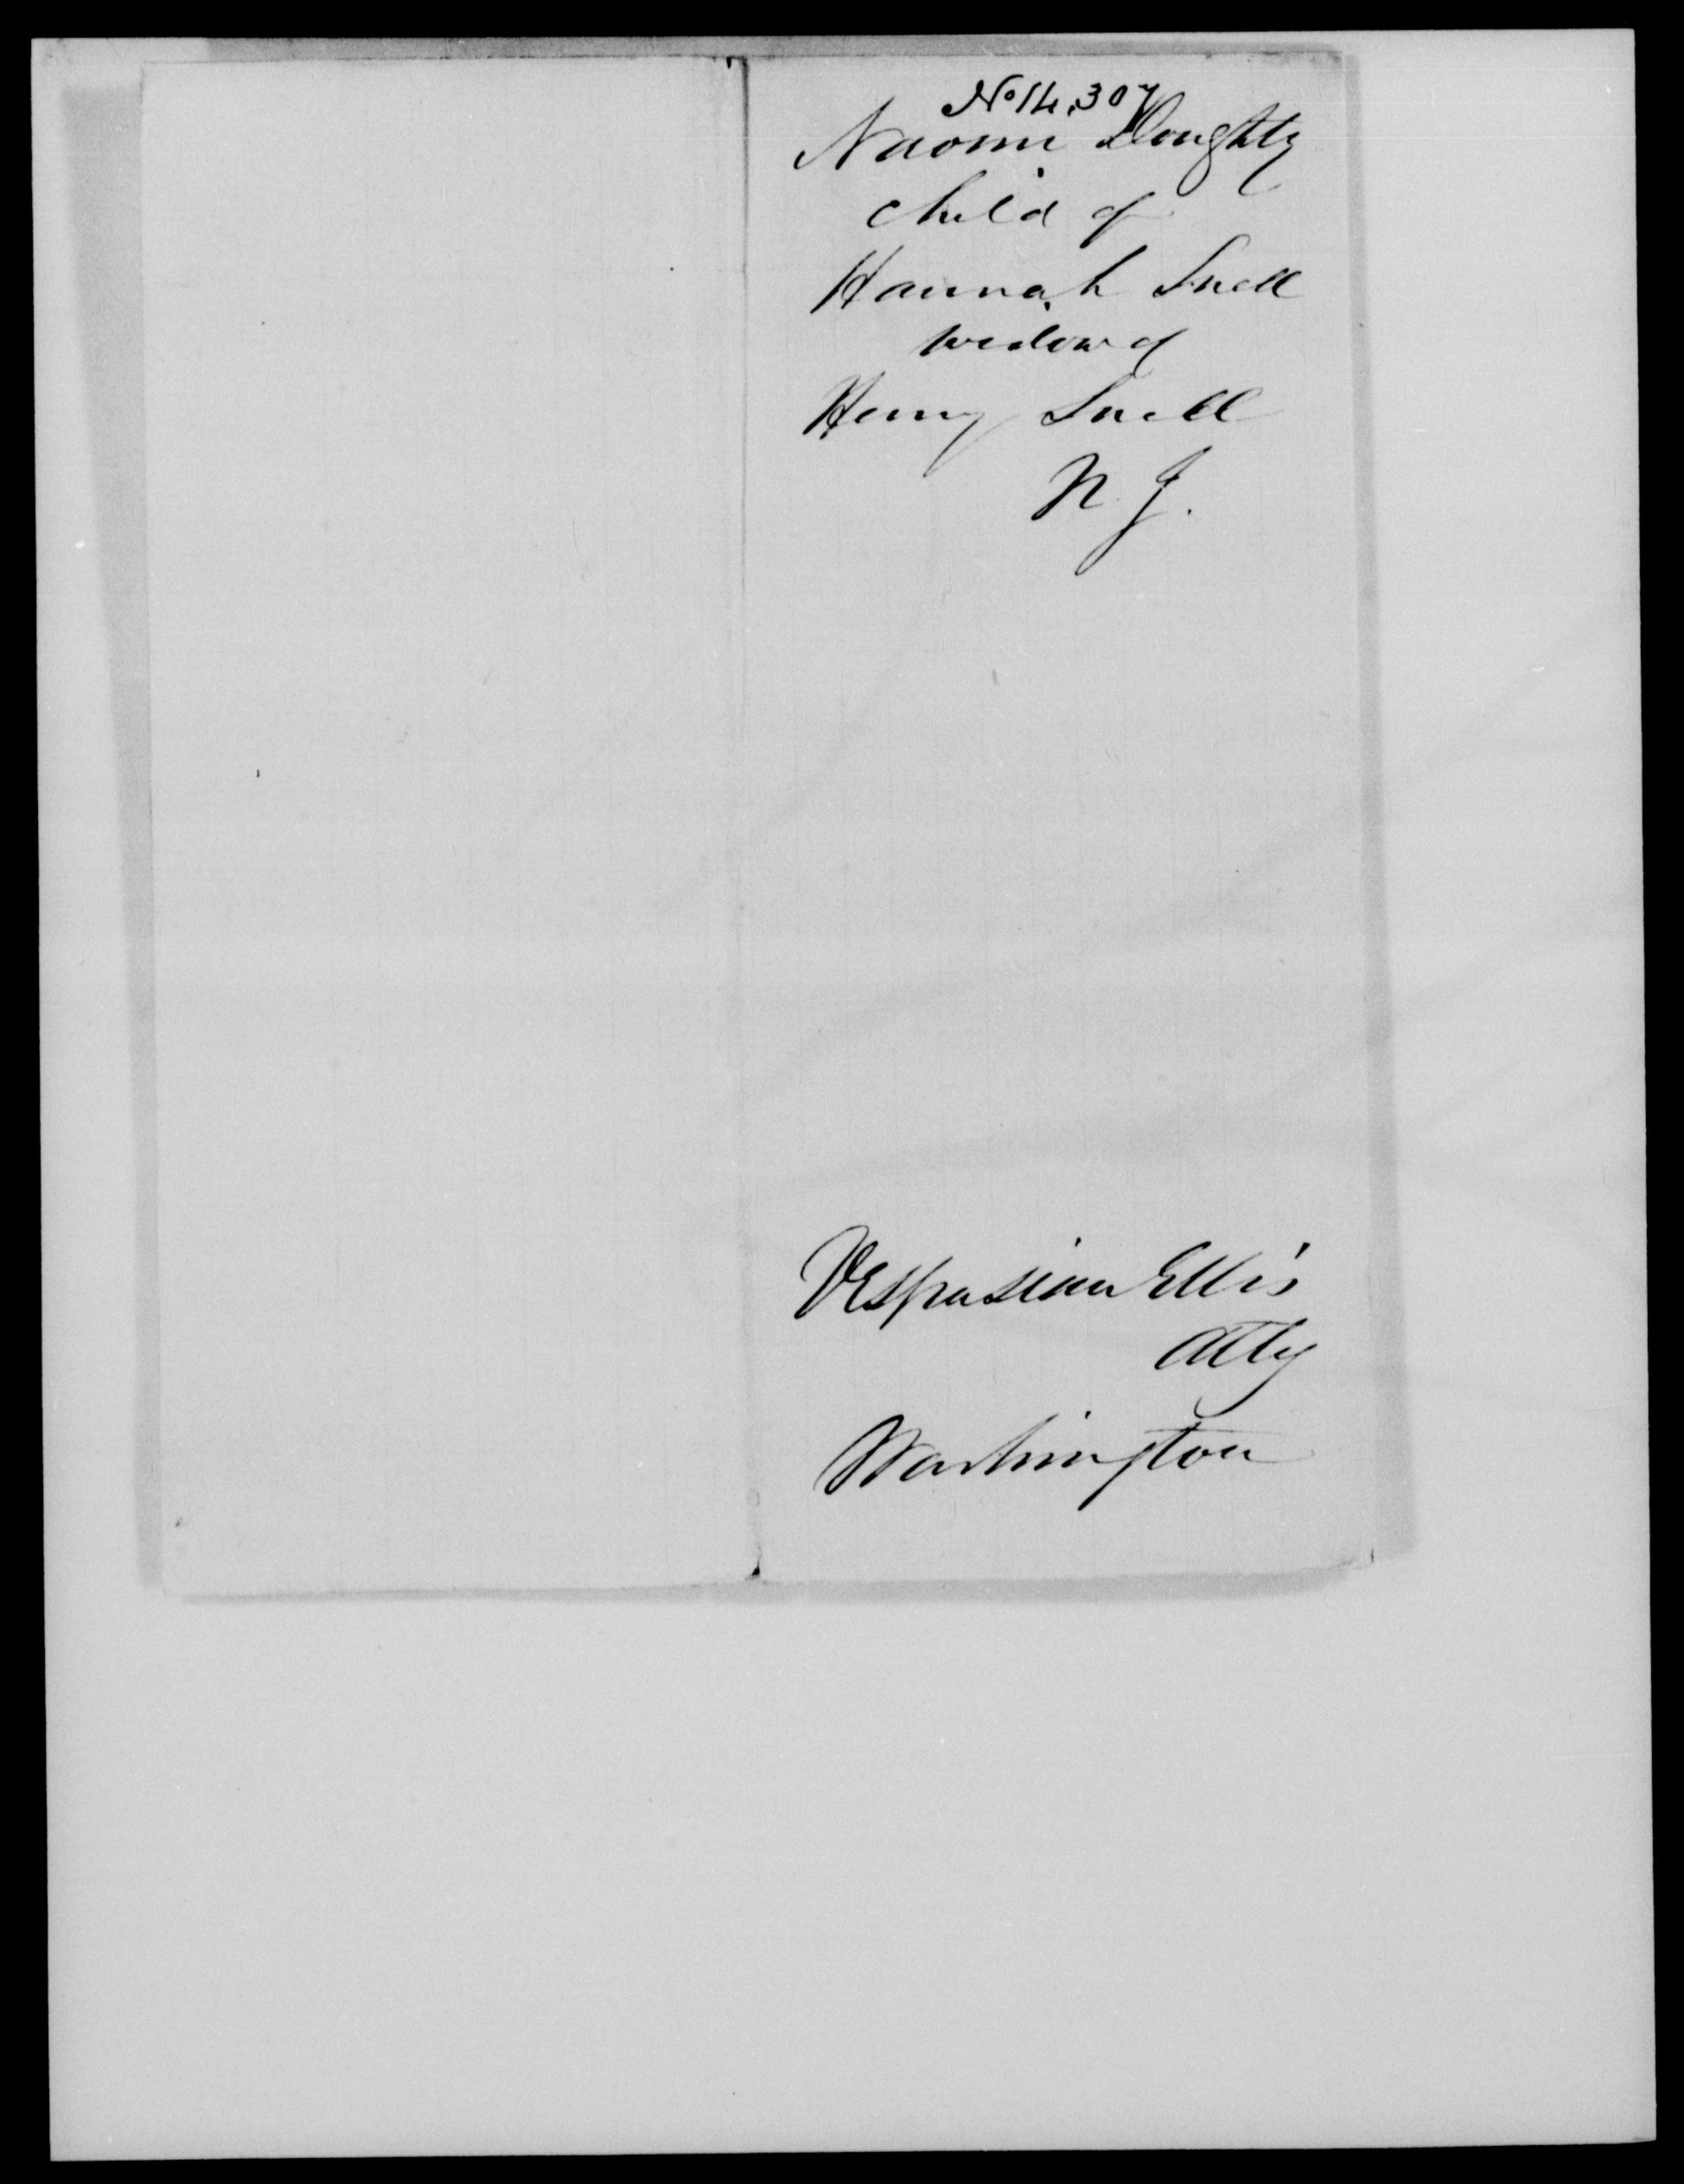No 14307

Naomi Doughty
child of 
Hannah Snell
widow of
Henry Snell
N.J.

Vespasian Ellis
Atty
Washington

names: Vespasian Ellis; Naomi Doughty; Henry Snell; Hannah Snell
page: 2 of 27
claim: rejected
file: R. 9,892, for Henry Snell, New Jersey